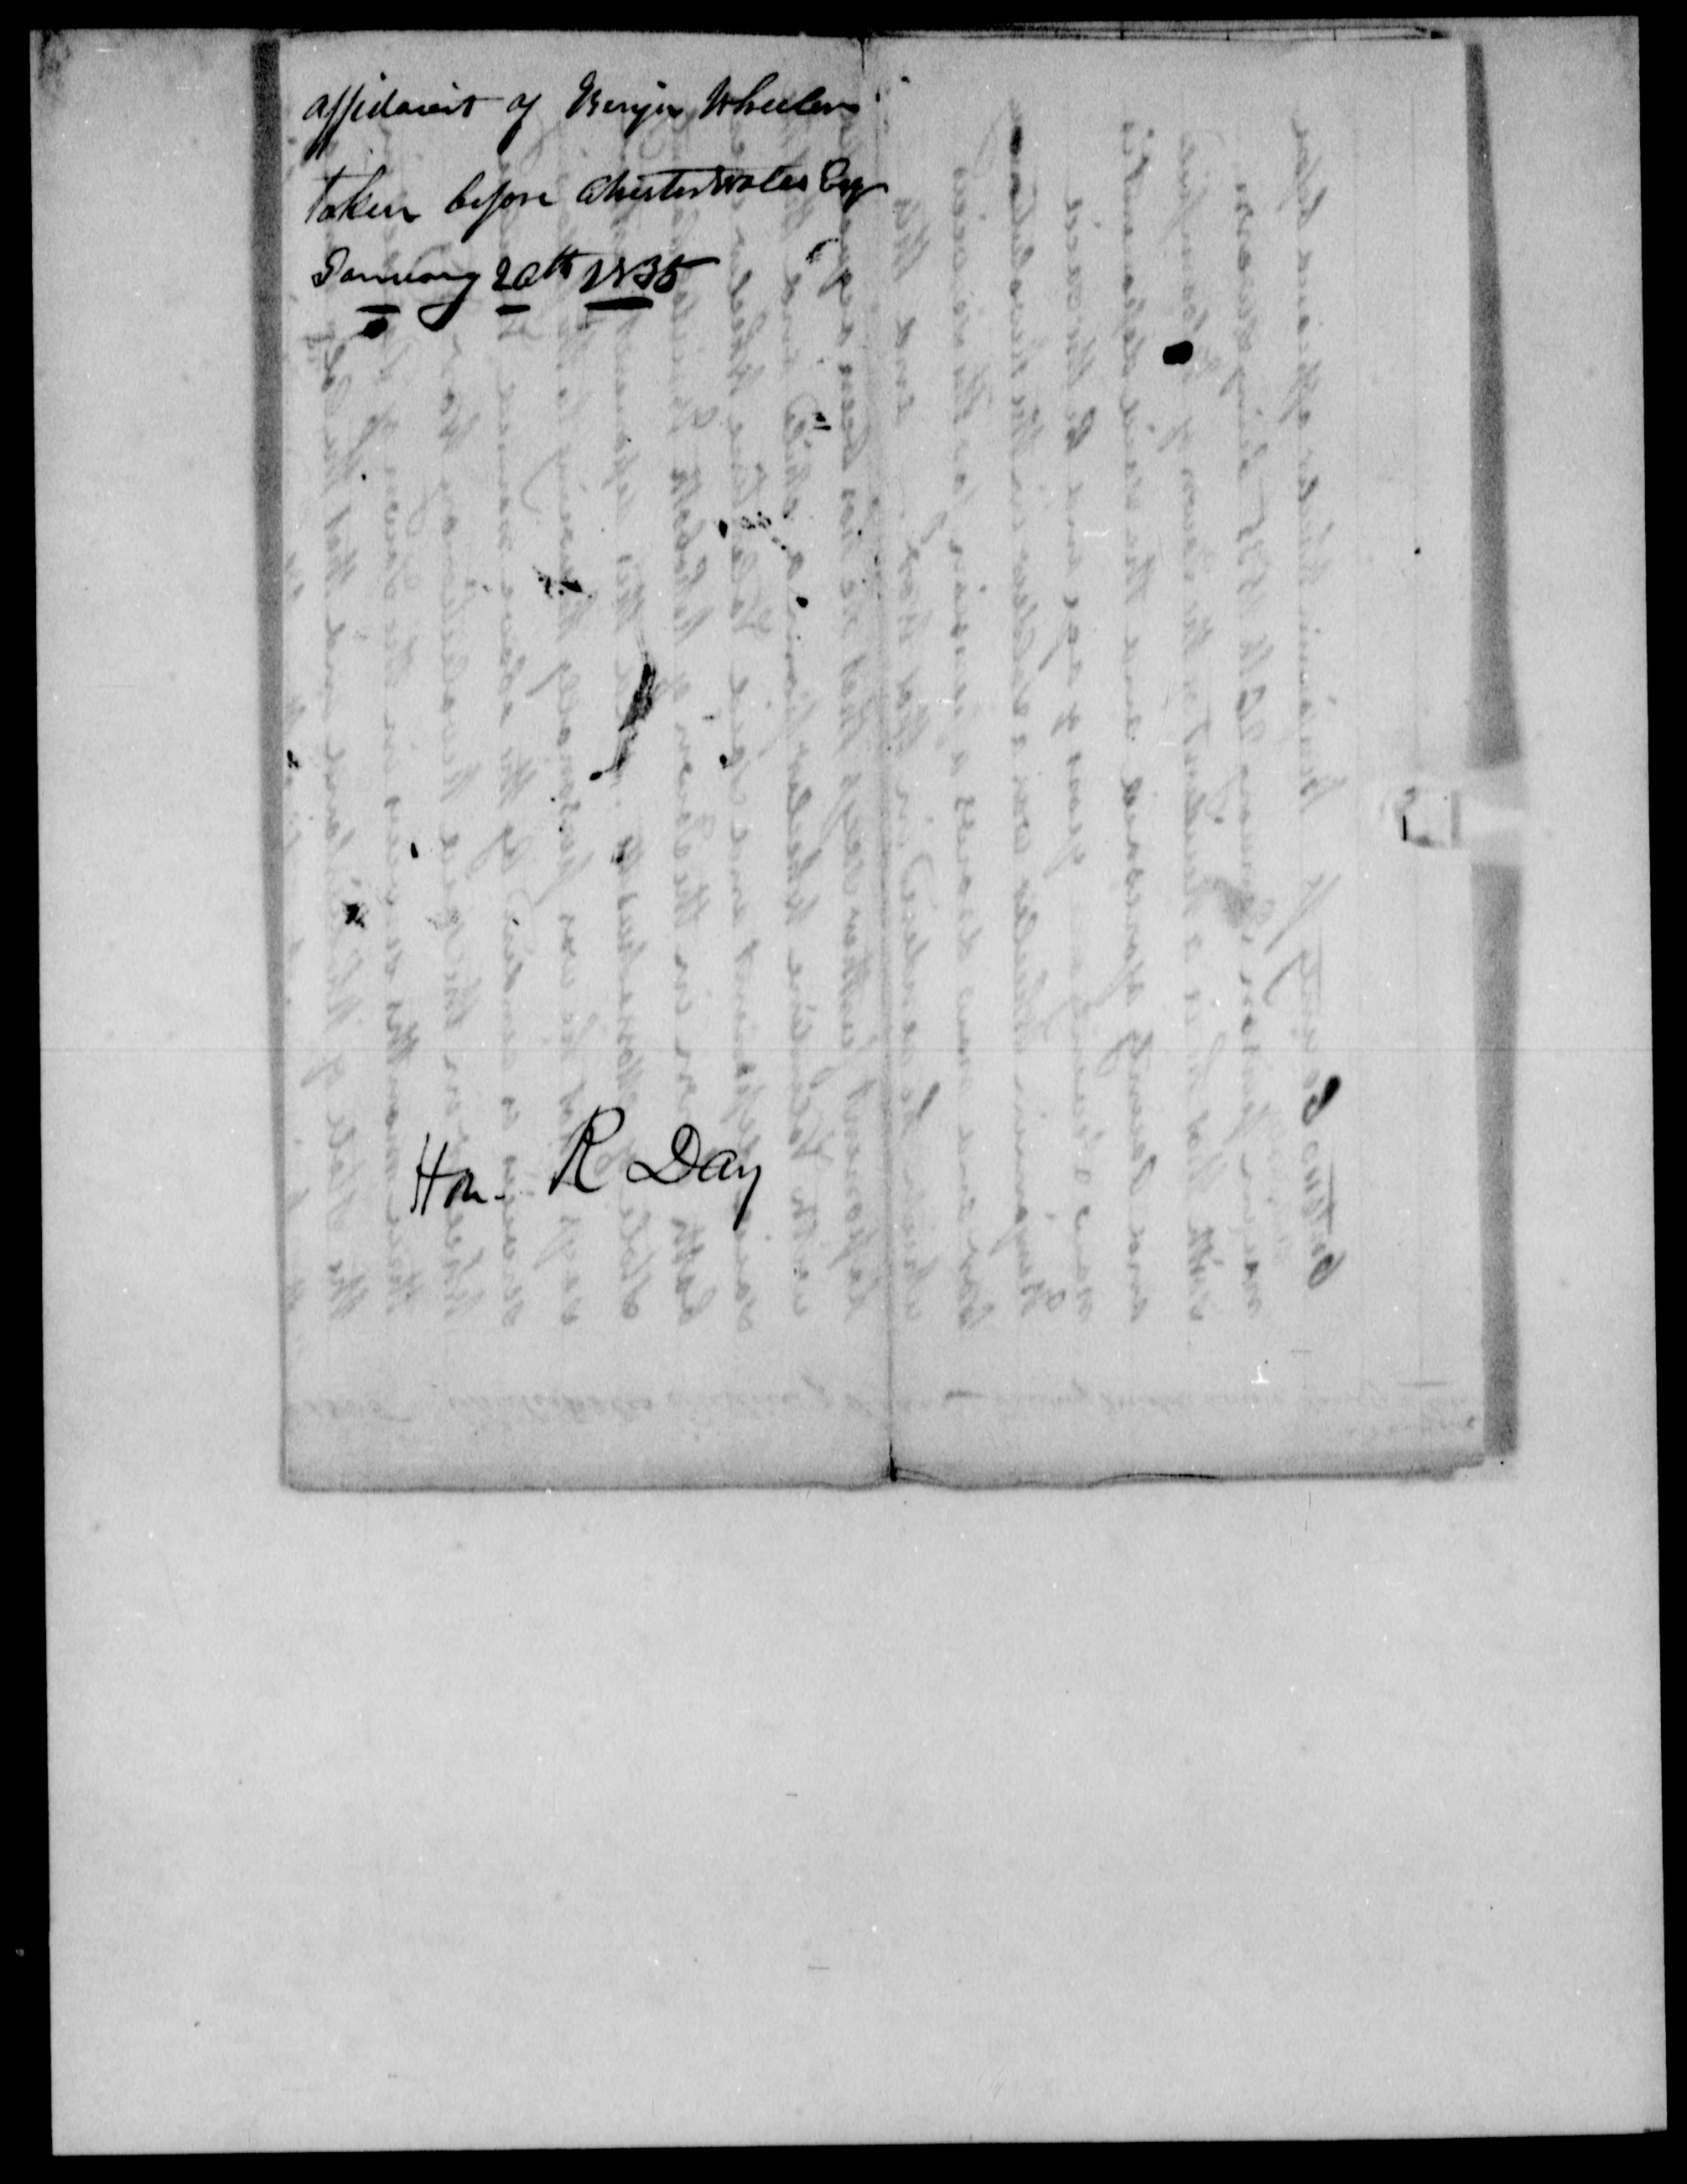affidavit of Benjn. Wheeler taken before Chester Wales Esq.
January 26th 1835

Hon. R. Day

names: Chester Wales, R Day, Benjn Wheeler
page: 89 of 98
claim: widow's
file: W. 1682, Valentine Wheeler, Mass.